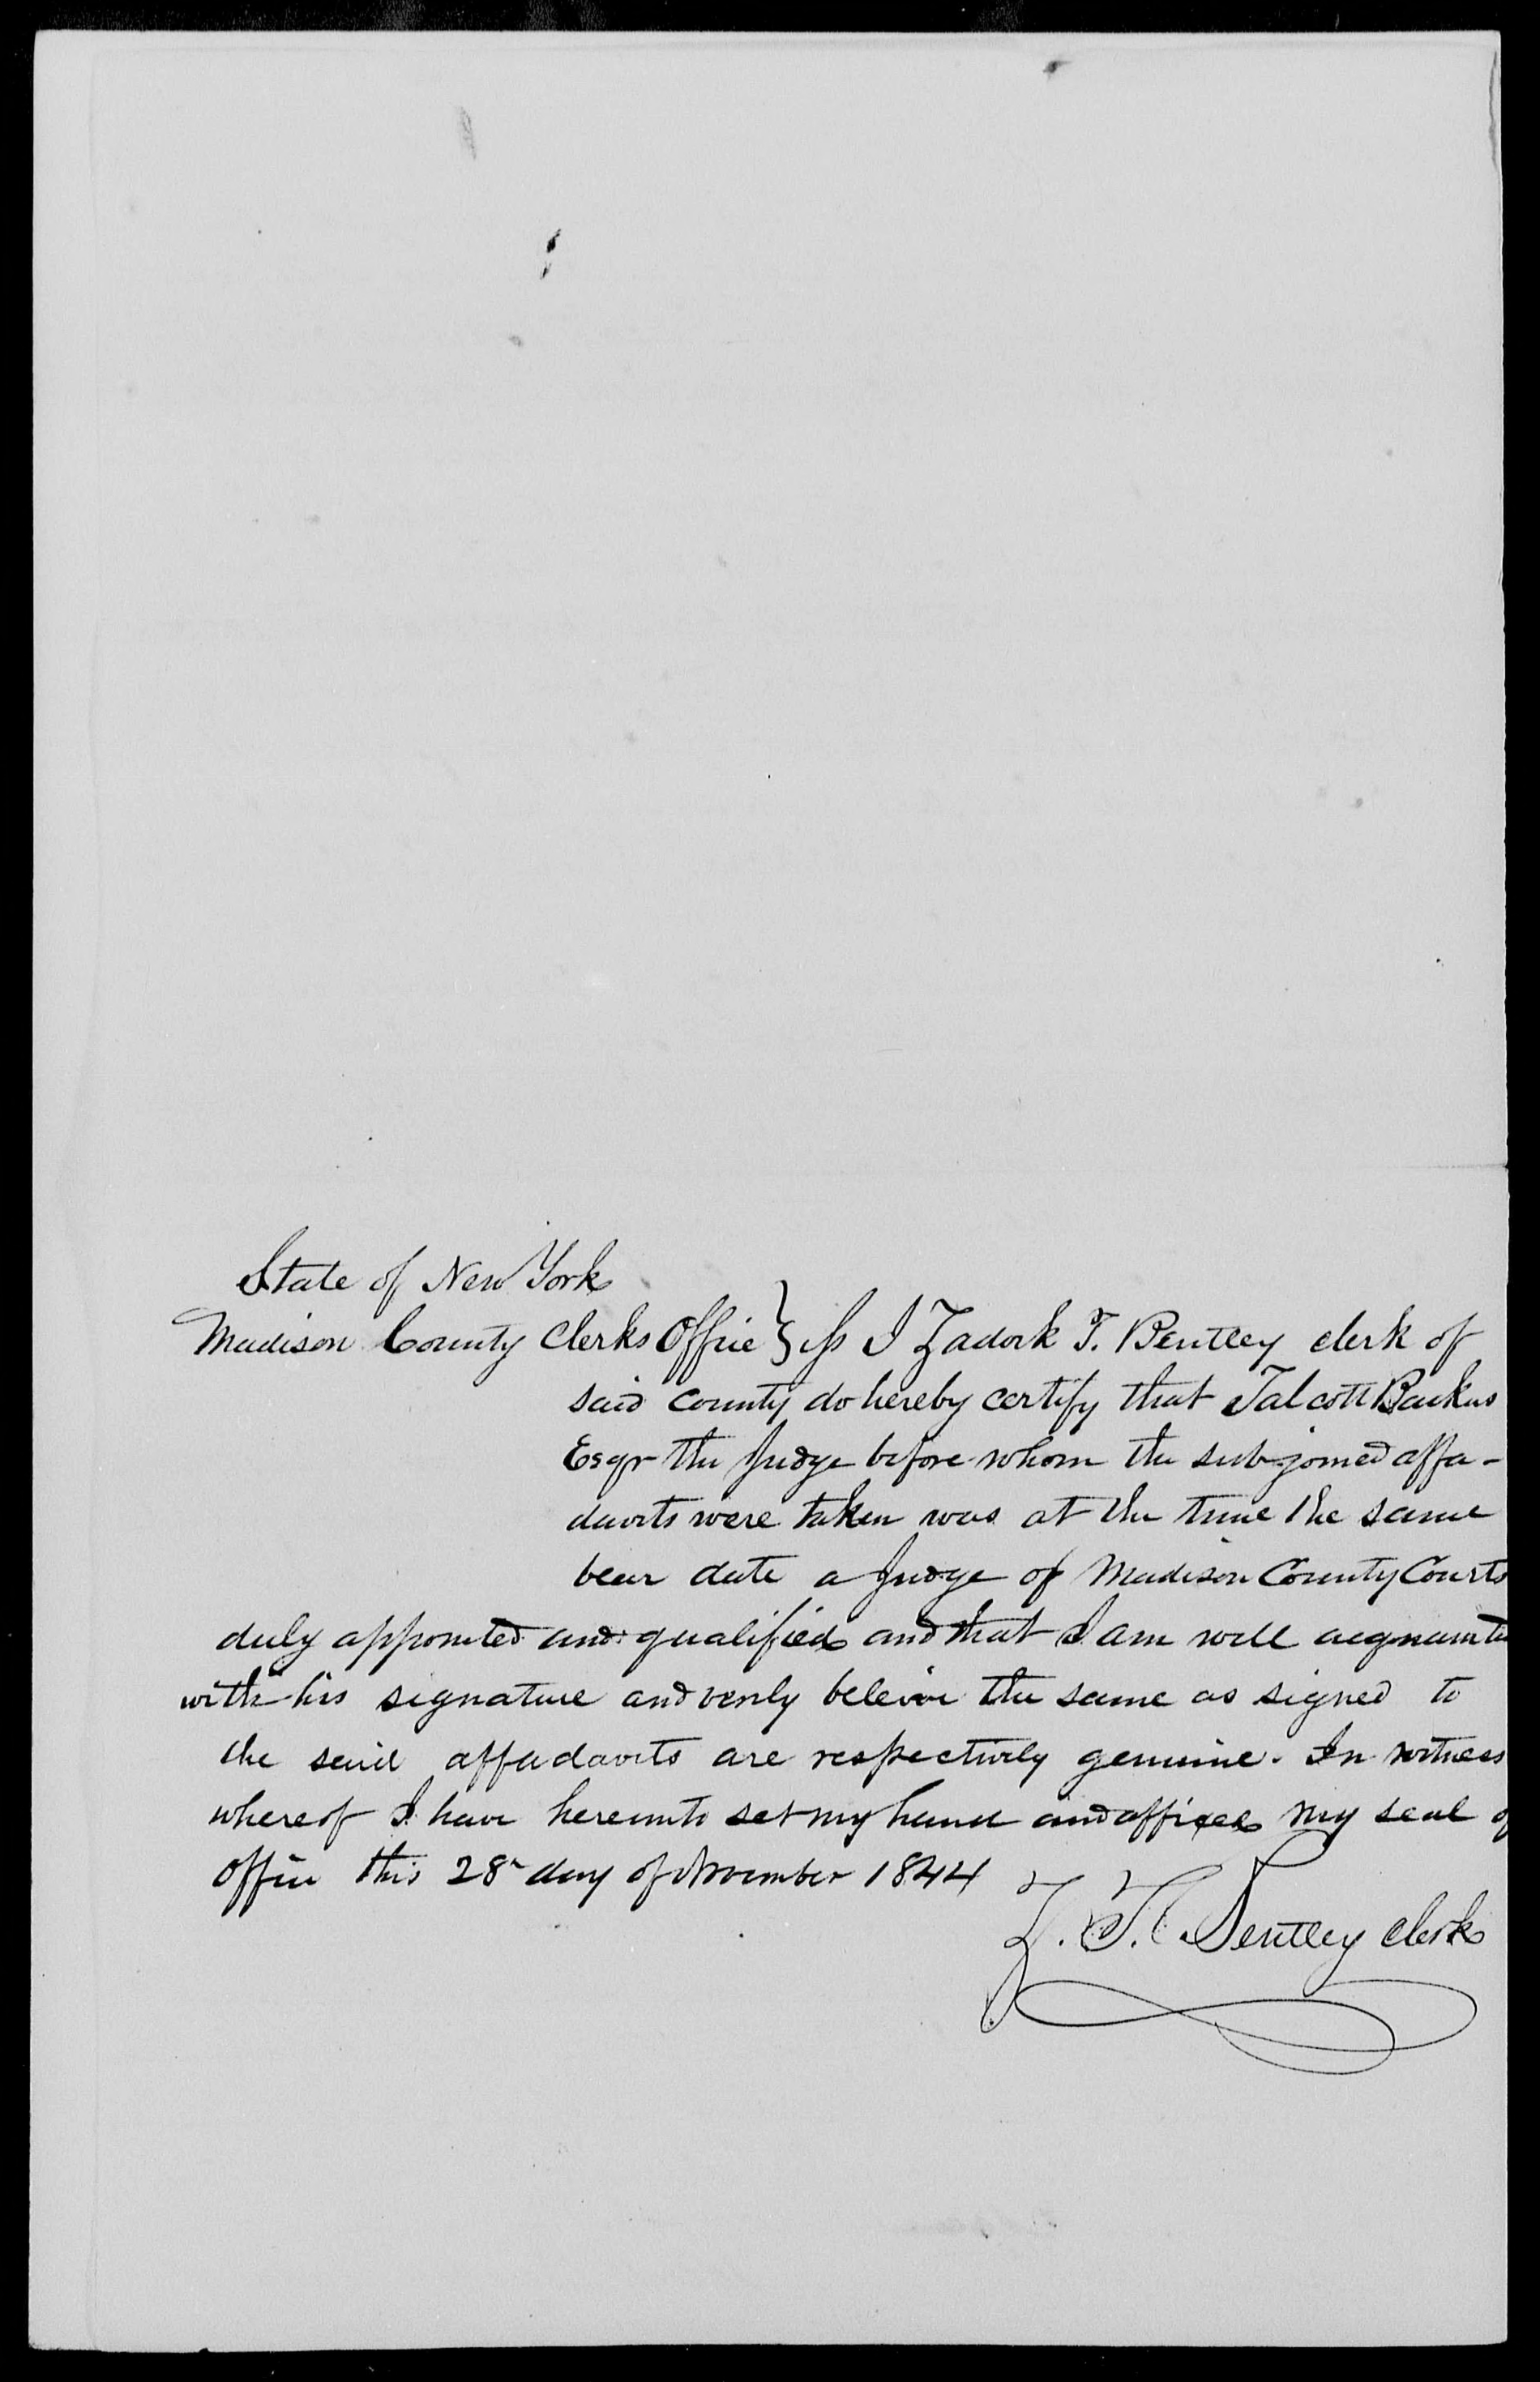State of New York Madison County Clerks Office} S.s.  I Zadock T. Bentley Clerk of said County do hereby certify that Talcott Backus Esqr the Judge before whom the subjoined affadavits were taken was at the time the same bear date a Judge of Madison County Courts duly appointed and qualified and that I am well acquainted with his signature and verily believe the same as signed to the said affadavits are respectively genuine. In witness whereof I have hereunto set my hand and affixed my seal of office this 28th day of November 1844 
Z. T. Bentley Clerk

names: Zadock T Bentley, Z T Bentley, Talcott Backus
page: 16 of 74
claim: widow's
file: W. 23424, John Allen, Mass. R. I.